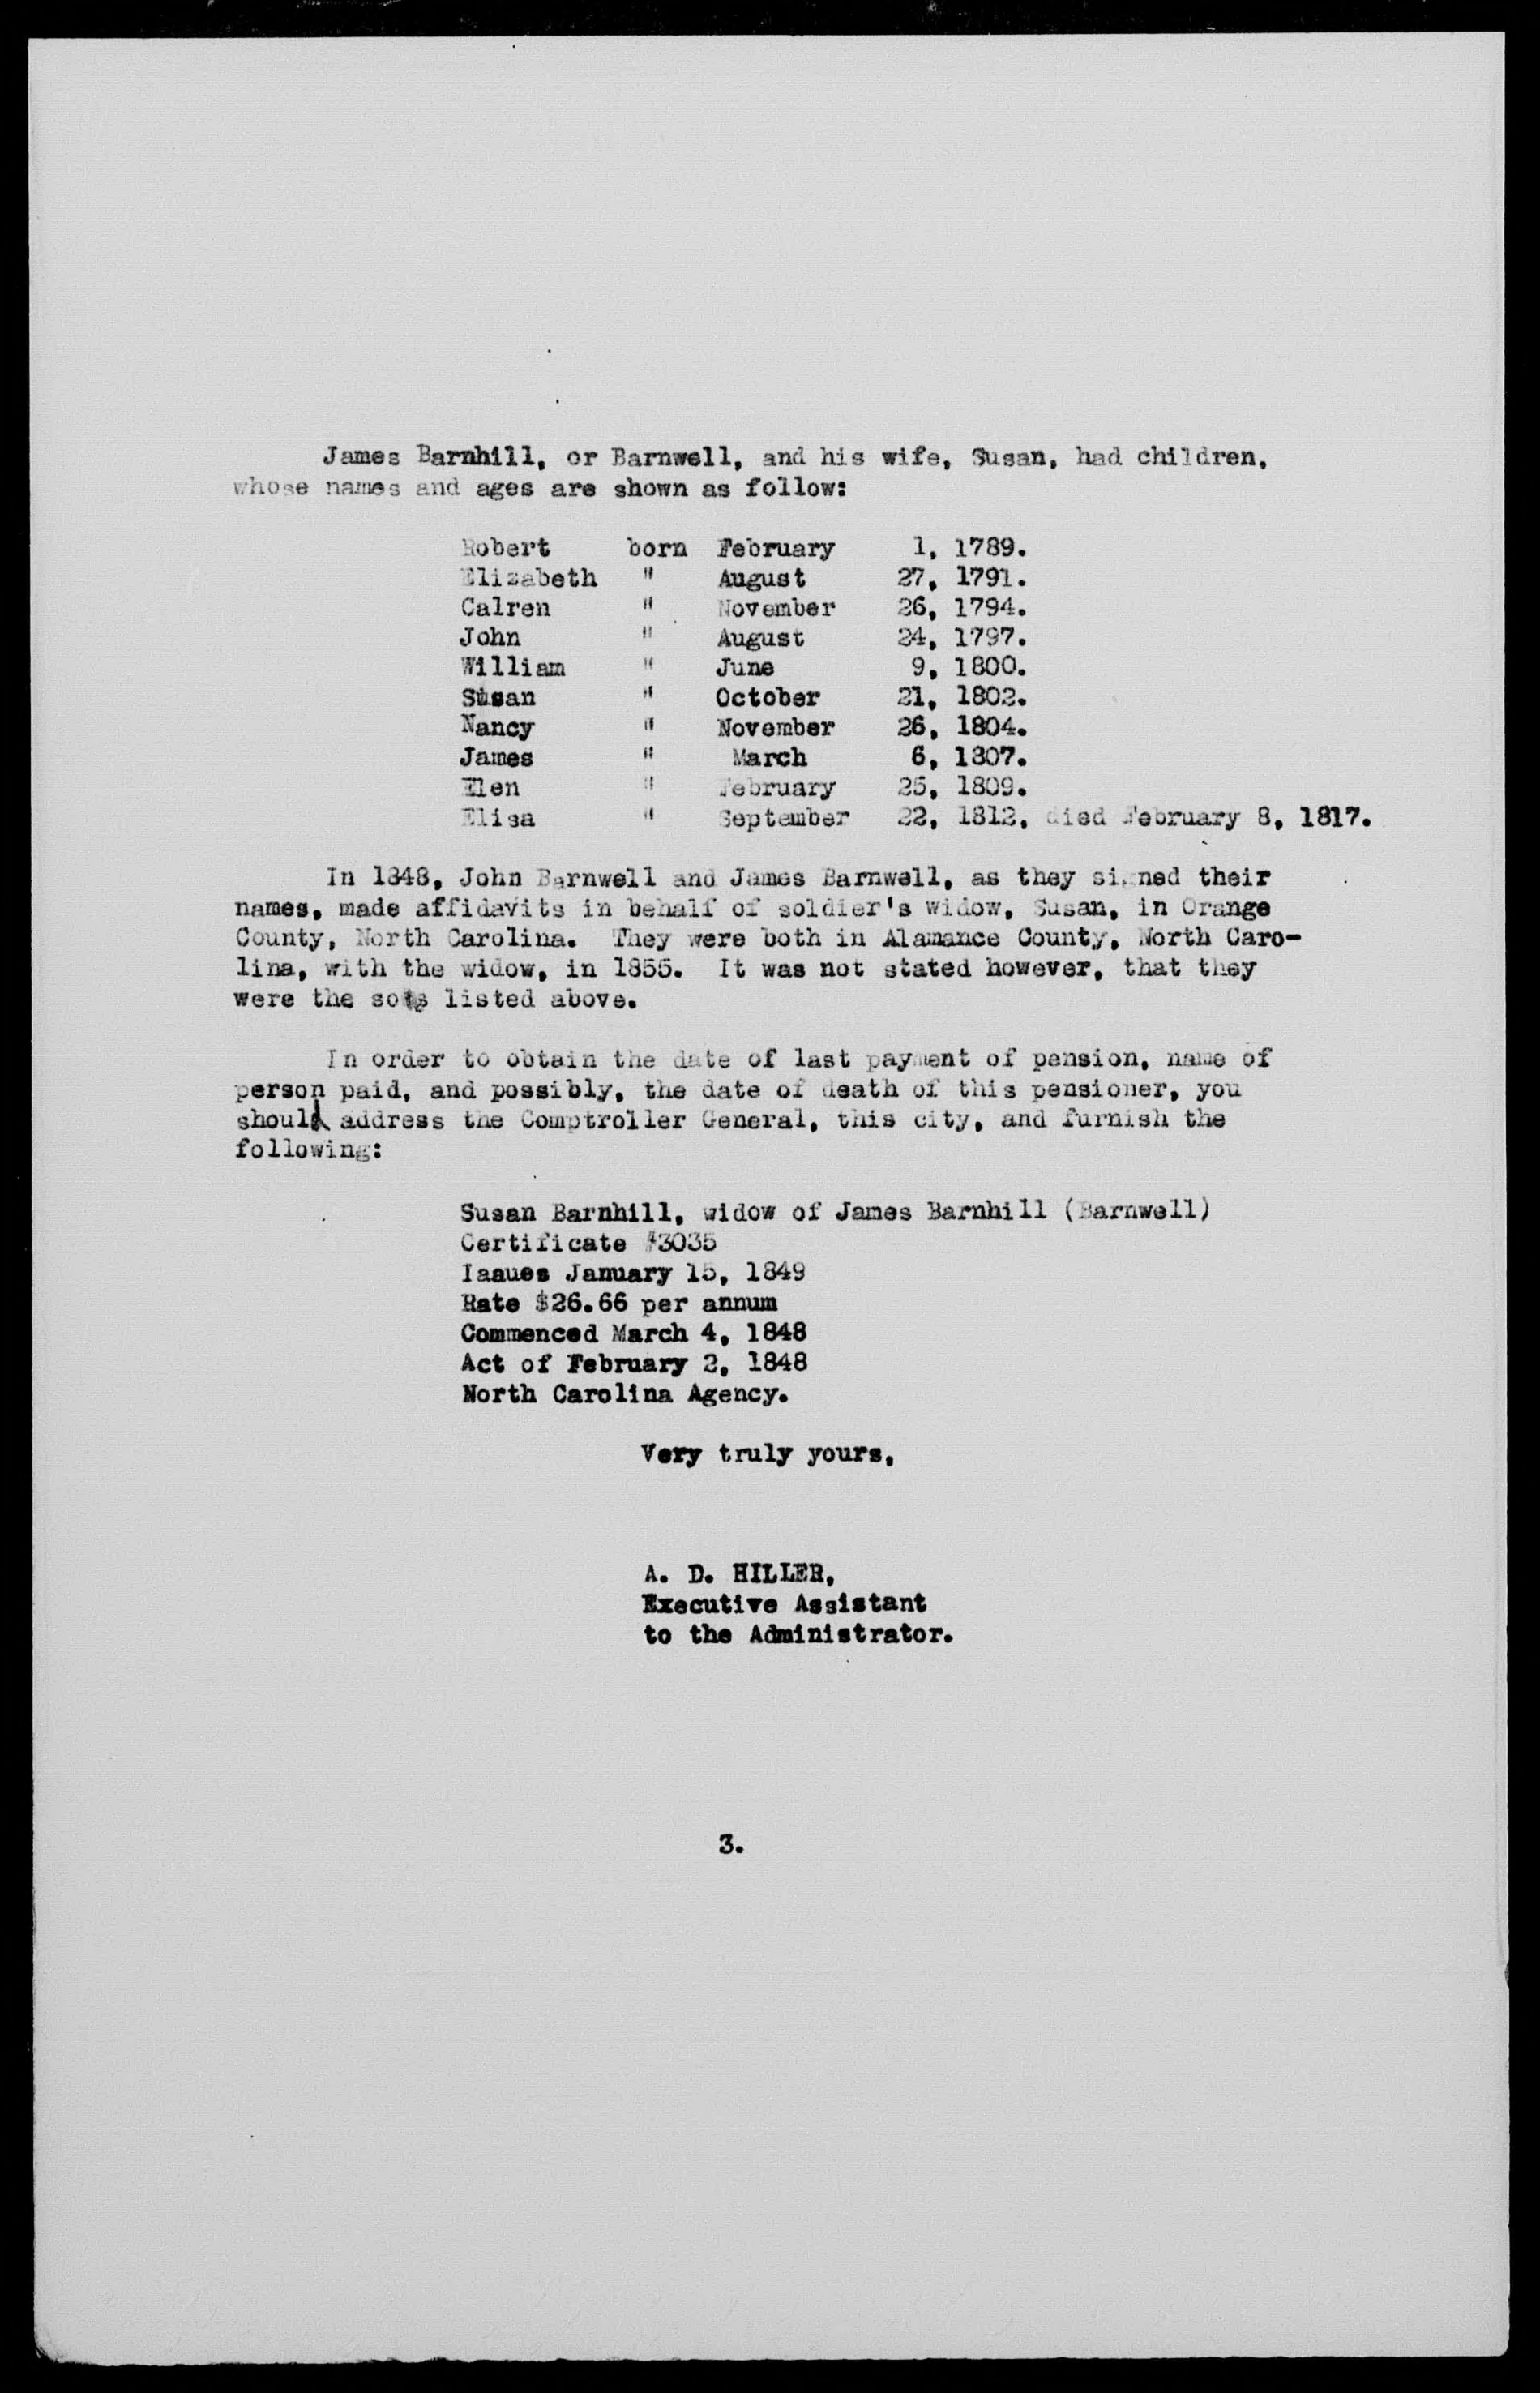James Barnhill, or Barnwell, and his wife, Susan, had children, whose names and ages are shown as follow:

Robert born February    1, 1789. 
Elizabeth  "   August      27, 1791.
Calren      "   November 26, 1794.
John         "   August      24, 1797.
William    "    June            9, 1800.
Susan       "   October     21, 1802.
Nancy       "   November  26, 1804.
James       "   March           6, 1807.
Elen          "    February     25, 1809.
Elisa         "    September   22, 1812. died February 8, 1817.

In 1848, John Barnwell and James Barnwell, as they signed their names, made affidavits in behalf of soldier's widow, Susan, in Orange County, North Carolina. They were both in Alamance County, North Carolina, with the widow, in 1855. It was not stated however, that they were the sons listed above.

In order to obtain the date of last payment of pension, name of person paid, and possibly, the date of death of this pensioner, you should address the Comptroller General, this city, and furnish the following:

Susan Barnhill, widow of James Barnhill (Barnwell)
Certificate #3035
Issues January 15, 1849
Rate $26.66 per annum
Commenced March 4, 1848
Act of February 2, 1848
North Carolina Agency.

Very truly yours,
[signature line blank]
A. D. HILLER,
Executive Assistant
to the Administrator.




3.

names: Susan, James Barnhill, James Barnwell, Elizabeth, Nancy, Susan, James Barnwell, John Barnwell, Susan, James Barnhill, Susan Barnhill, Elen, A D Hiller, James, Robert, Calren, William, Elisa, James Barnwell, John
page: 11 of 42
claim: survivor's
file: S. 6579, Henry Barnhill, N. C.